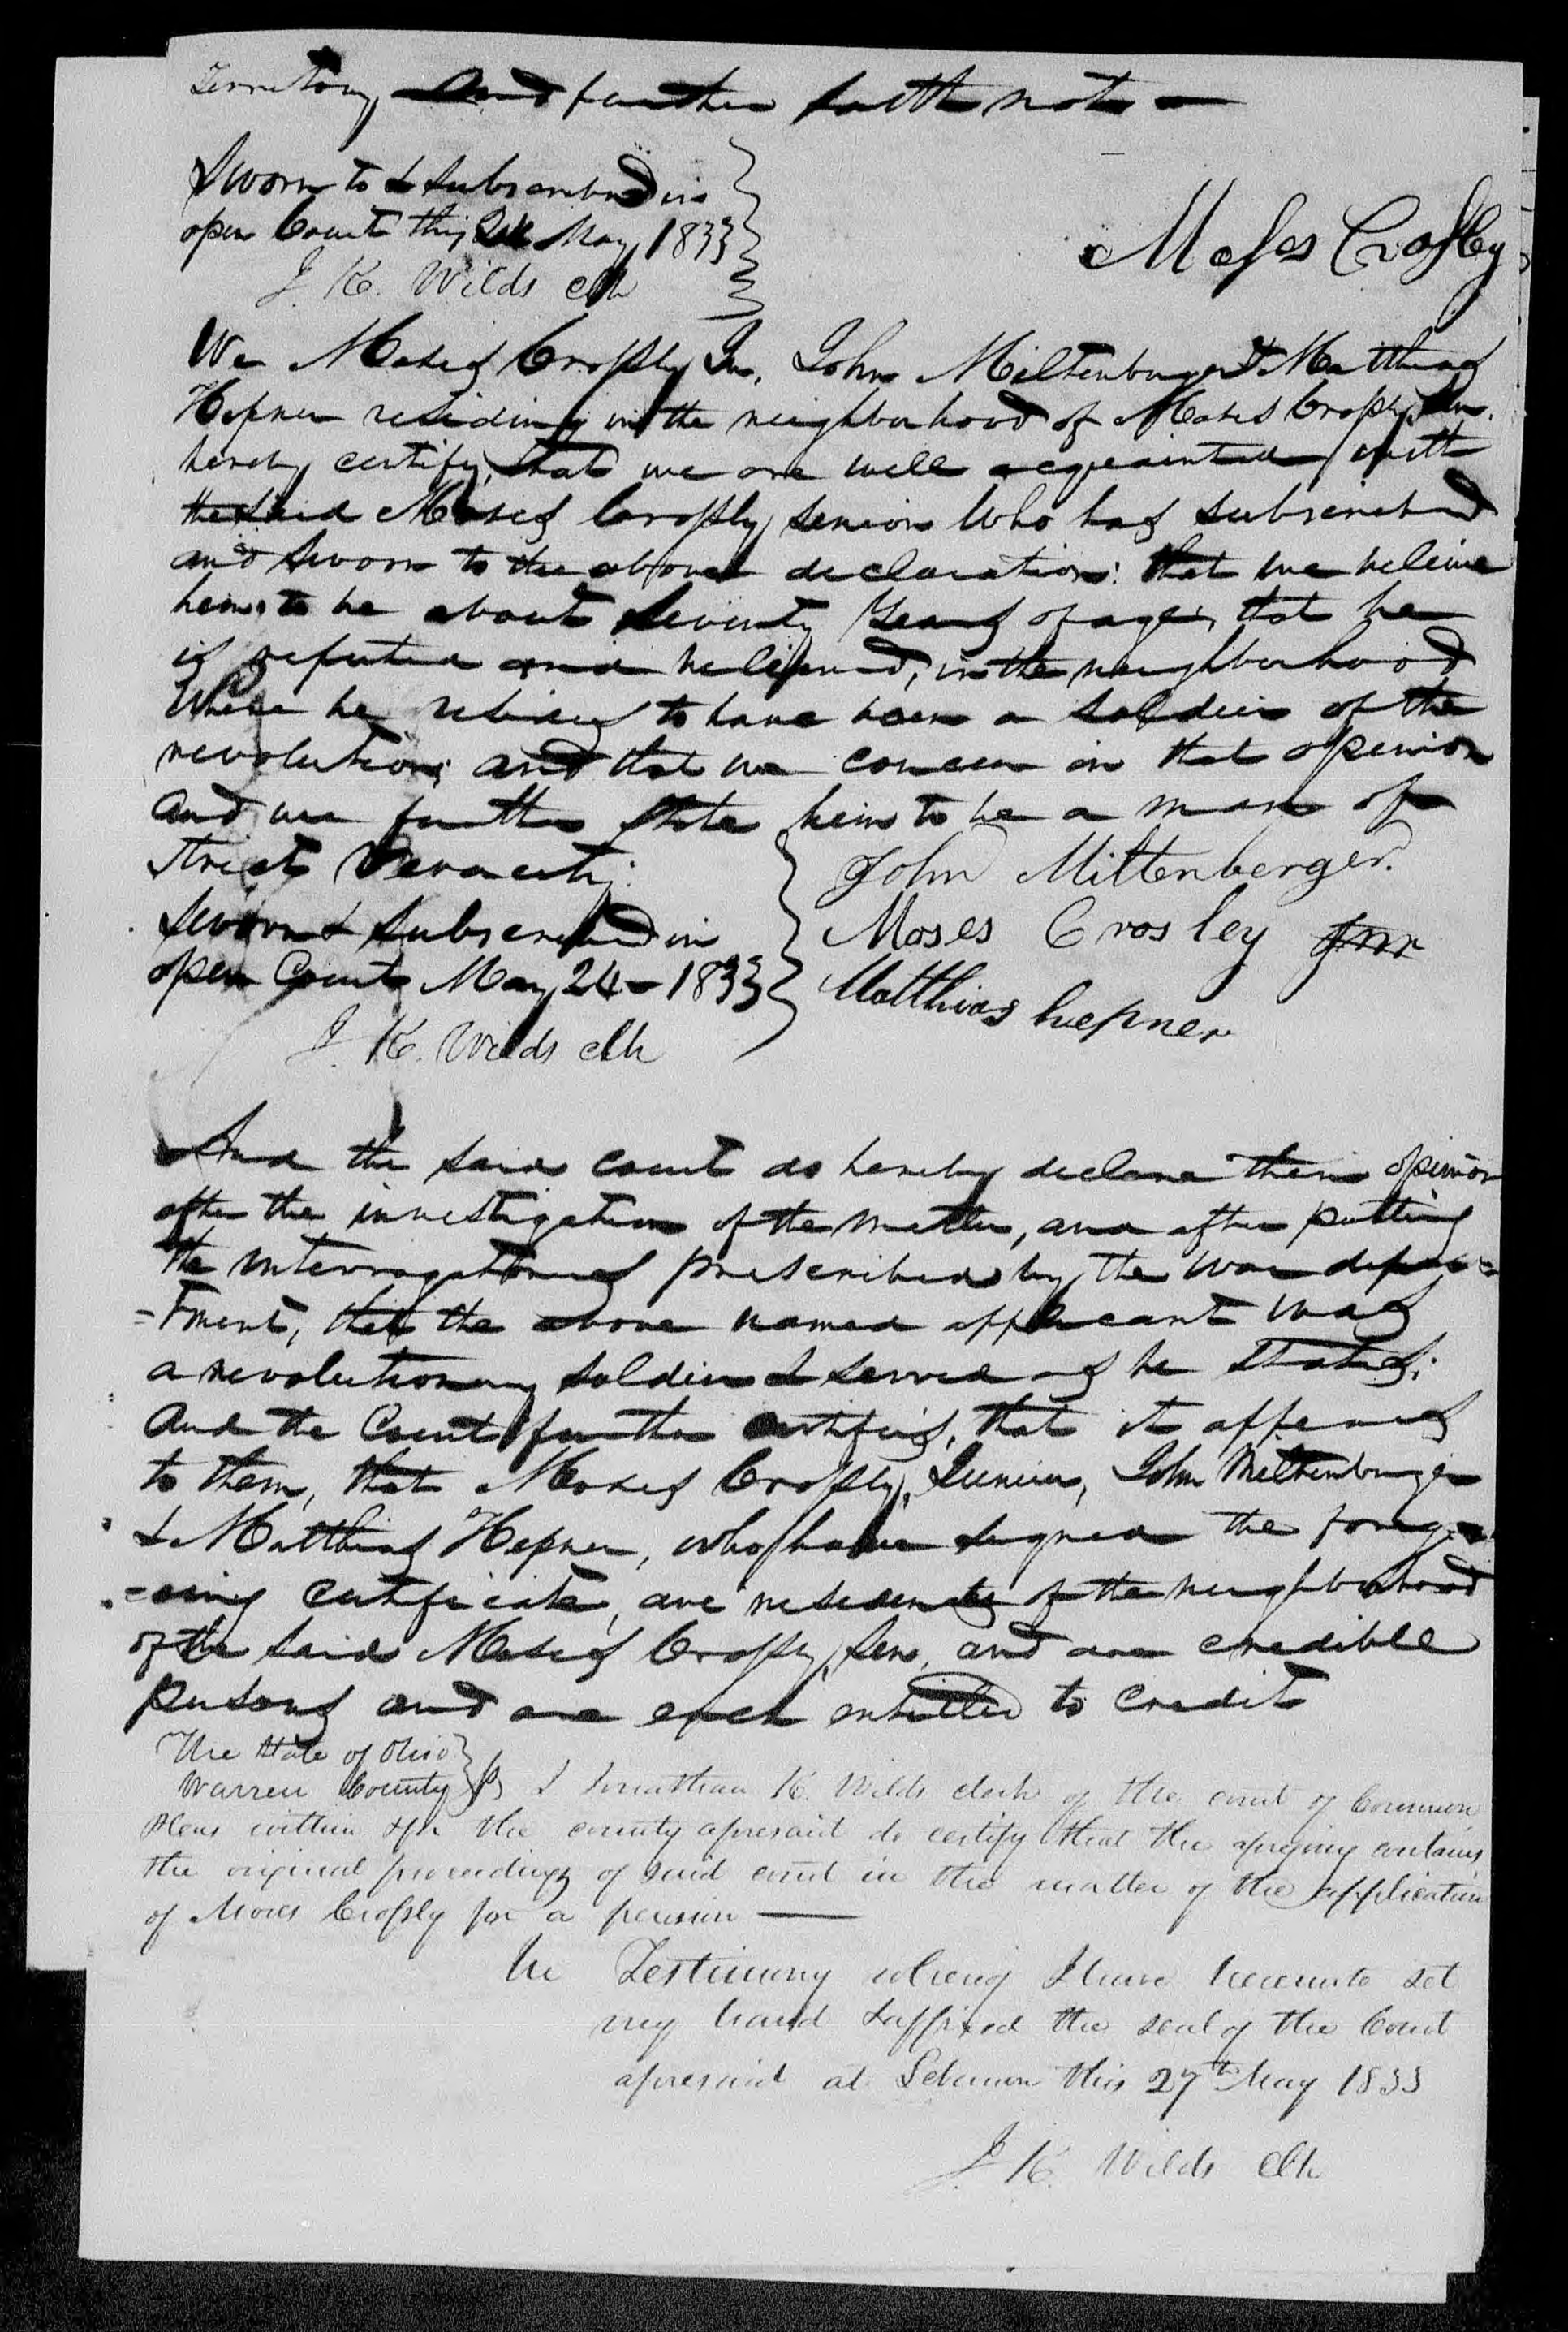Territory and further saith not.

Sworn to & subscribed in open court this [illegible] May 1833
J.K. Wilds Clk
Moses Crosley

We Moses Crossly Jr, John Miltenberger & Matthias Hopner residing in the neighborhood of Moses Crossly Sr, do hereby certify that we are well acquainted with the said Moses Crossly senior who has subscribed and sworn to the above declaration: that we believe him to be about seventy years of age, that he is reputed and believed in the neighborhood where he resides to have been a soldier of the revolution, and that we concur in that opinion and we further state him to be a man of strict veracity:

Sworn & subscribed in open court May 24, 1833
J.K. Wilds clk
John Miltenberger.
Moses Crosley Jnr
Matthias Hopner

And the said court do hereby declare their opinion after the investigation of the within, and after putting the interrogations prescribed by the war department, that the above named applicant was a revolutionary soldier & served as he states. And the court further certifies, that it  appears to them, that Moses Crossly, Junior, John Miltenberger & Matthias Hopner, who have signed the foregoing certificate, are residents of the neighborhood of the said Moses Crossly, Senr. and are credible persons and are each entitled to credit

The State of Ohio
Warren County [illegible]

I Jonathan K. Wilds clerk of the court of Common Pleas within & for the county aforesaid do certify that the aforegoing contains the original proceedings of said court in the matter of the application of Moses Crossly for a pension--

In Testimony whereof I have hereunto set my hand & affixed the seal of the Court aforesaid at [illegible] this 27th May 1833

J.K. Wilds Clk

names: Matthias Hopner, Moses Crosley, Moses Crossly, J K Wilds, Moses Crossly, Moses Crosley, J K Wilds, Moses Crossly, Jonathan K Wilds, J K Wilds, Moses Crossly, Matthias Hopner, John Miltenberger, Moses Crossly, John Miltenberger, John Miltenberger, Moses Crossly, Matthias Hopner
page: 5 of 37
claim: rejected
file: R. 2516, Moses Crosley, Md.